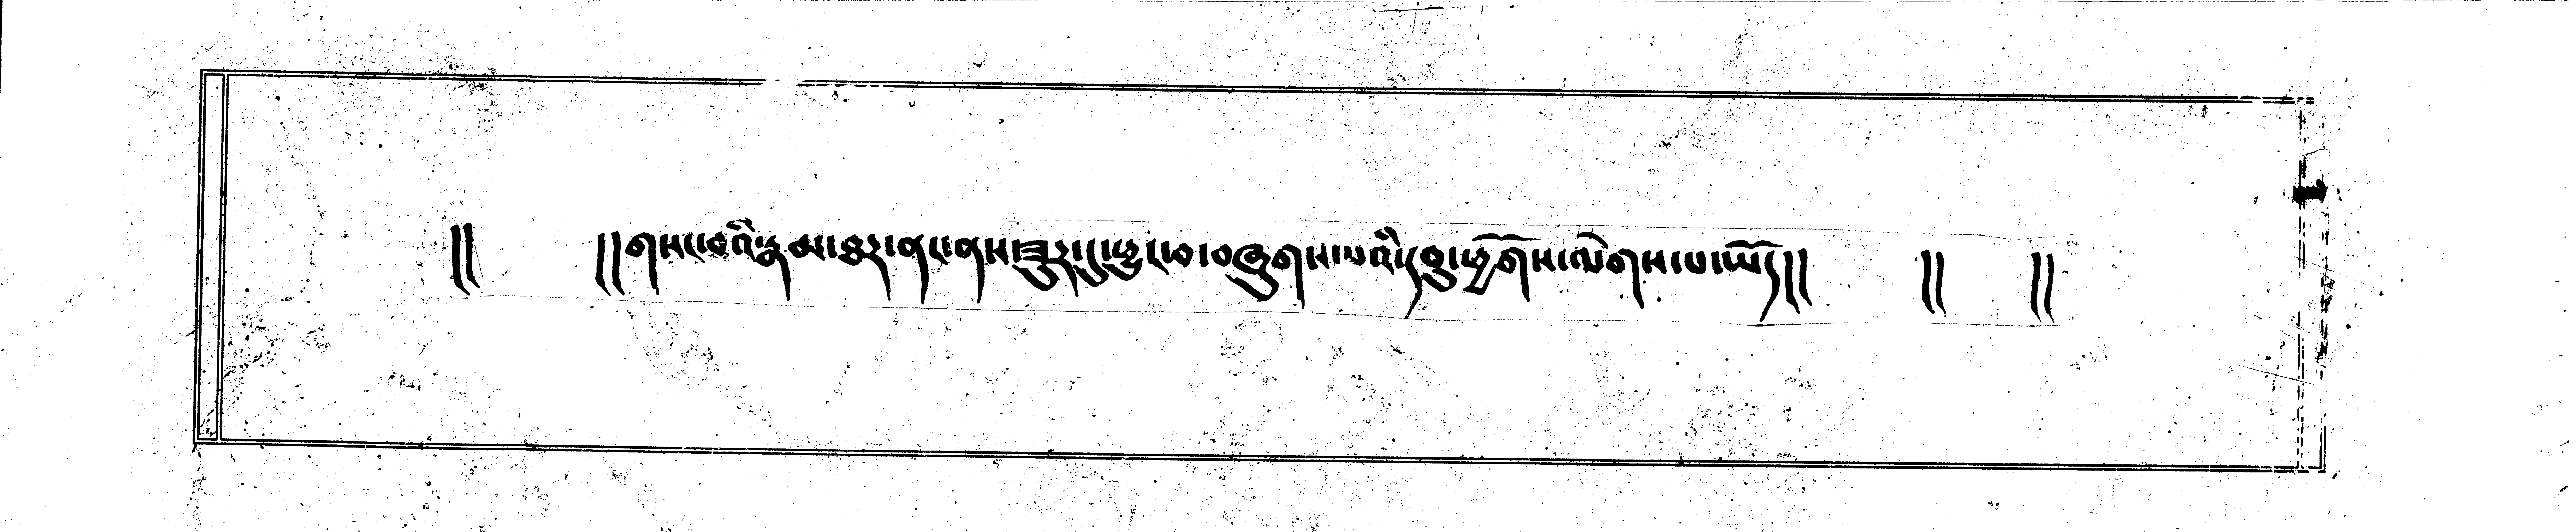གསང་བའི་རྣམ་ཐར་ནང་ནས་ཟུར་དུ་ཕྱུང་བ་བཞུགས་པའི་དབུས་ཕྱོགས་ལེགས་པ་ཡོད། །